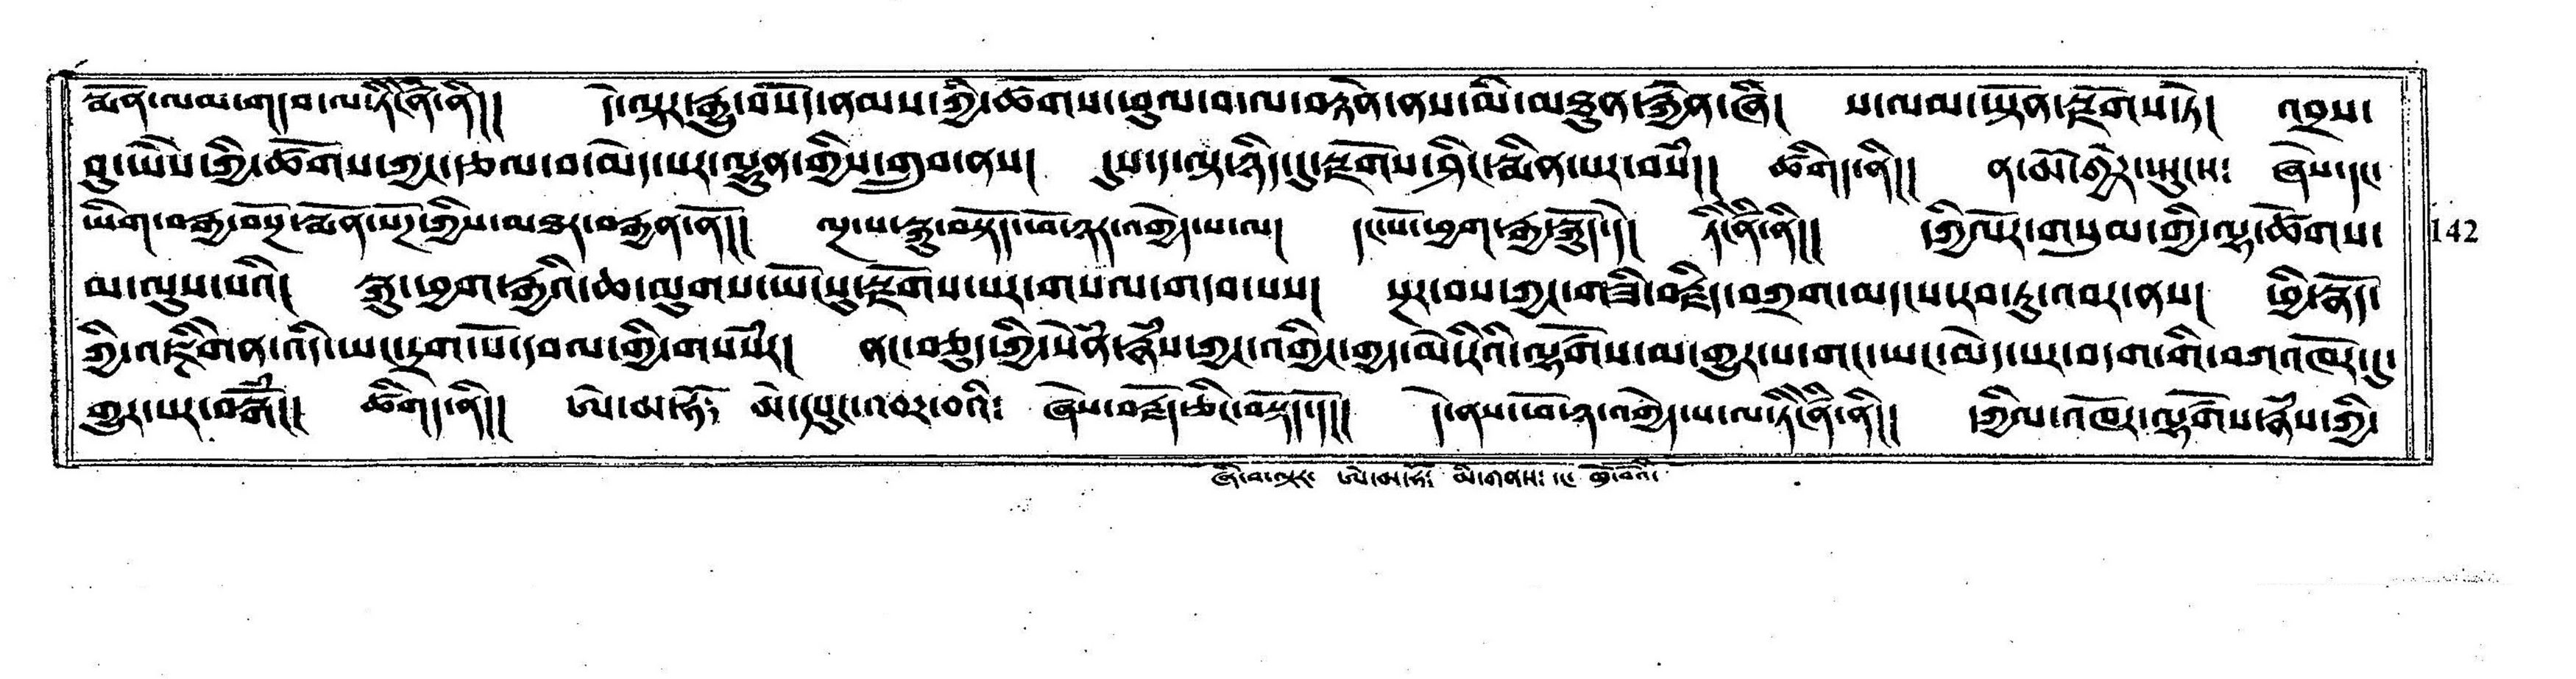སྨོན་ལམ་གདབ་ལ་ཏིང་ངེ་འཛིན་ནི།། དེ་ལྟར་རྒྱུ་བསོད་ནམས་ཀྱི་ཚོགས་ཕུལ་བ་ལ་བརྟེན་ནས་མི་མཐུན་རྐྱེན་ཞི། ས་ལམ་ཡོན་ཏན་རྫོགས་ཏེ། འབྲས་
བུ་ཡེ་ཤེས་ཀྱི་ཚོགས་ཀྱང་རྩལ་བ་མེད་པར་ལྷུན་གྱིས་གྲུབ་ནས། དུས་ད་ལྟ་ཉིད་དུ་རྫོགས་ཤིང་སྨིན་པར་བསམ།། ཚིག་བཤད་ནི།། ན་མོ་གྱེར་སྤུངས༴ ཞེས་དང་
ཡིག་བརྒྱ་བསྔོ་སྨོན་སོགས་ཀྱིས་མཐར་བརྒྱན་ནོ།། ལྔ་པ་སྐུ་བསྟོད་ཕོ་ཉར་འགྱེད་པ་ལ། དང་པོ་ཕྱག་རྒྱ་སྐུ་བསྟོད་དེ། ཏིང་ངེ་འཛིན་ནི།། དཀྱིལ་འཁོར་གསུམ་གྱི་ལྷ་ཚོགས་
མ་ལུས་པའི། སྐུ་ཕྱག་རྒྱའི་ཆ་ལུགས་ཡོངས་སུ་རྫོགས་པར་གསལ་གདབ་པས། སྔར་བས་ཀྱང་གཟི་བརྗིད་བཀྲག་མདངས་རབ་ཏུ་འབར་ནས། ཕྱི་སྣོད་
ཀྱི་འཇིག་རྟེན་འདི་ཡང་དྲག་པོ་དབལ་གྱི་གསས་མཁར། ནང་བཅུད་ཀྱི་སེམས་ཅན་རྣམས་ཀྱང་འགྱིང་གྱད་མེ་རིའི་ལྷ་ཚོགས་མ་གྱུར་པ་གང་ཡང་མེད་པར་བདག་གི་བཀའ་འཁོར་དུ་
གྱུར་པར་བསྒོམ། ཚིག་བཤད་ནི།། ཞི་བ་ལྟར་ཨེ་མ་ཧོ༴ མི་གནས༴ དང་ཁྲོ་བོའི་་ཨེ་མ་ཧོ༴ མེ་དཔུང་འབར་བའི༴ ཞེས་བརྗོད་ཅིང་བསྟོད་དོ།། དེ་ནས་ཕོ་ཉ་འགྱེད་པ་ལ་ཏིང་ངེ་འཛིན་ནི།། དཀྱིལ་འཁོར་ལྷ་ཚོགས་རྣམས་ཀྱི་